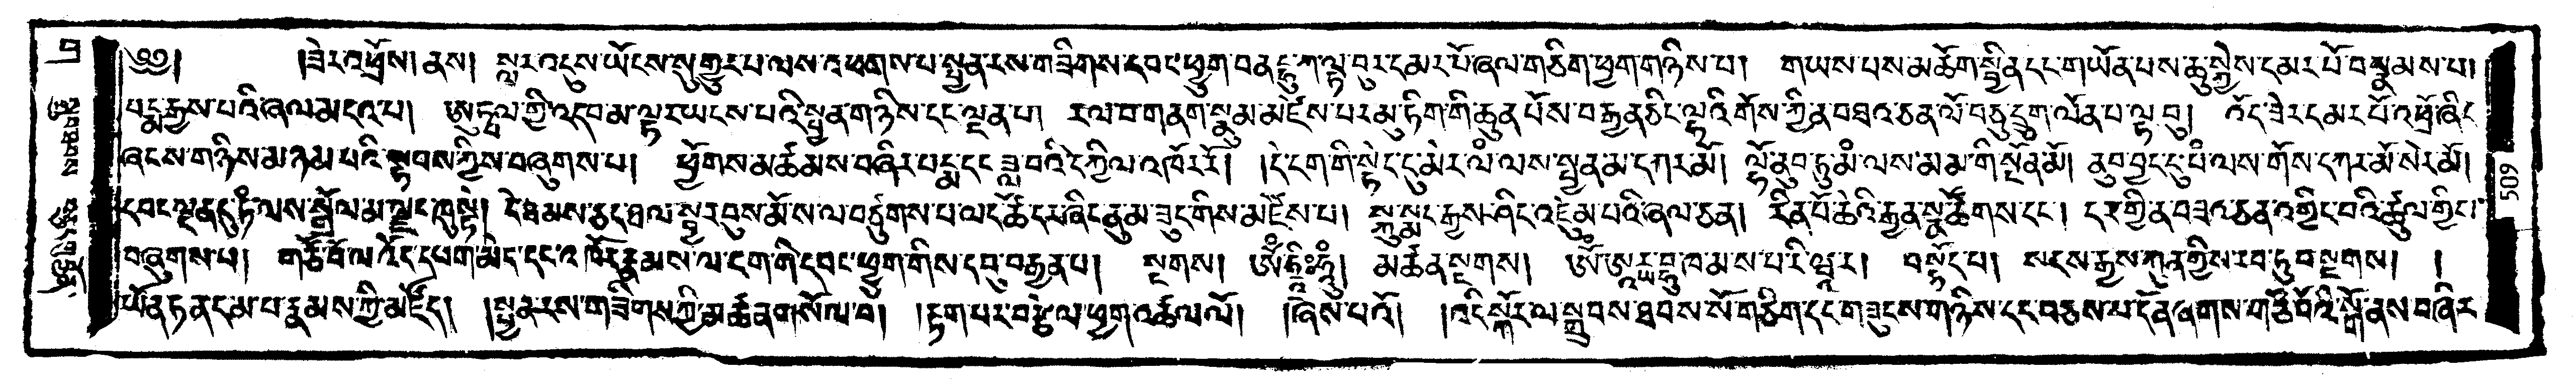༄༅། །ཟེར་འཕྲོས། ནས། སླར་འདུས་ཡོངས་སུ་གྱུར་པ་ལས་འཕགས་པ་སྤྱན་རས་གཟིགས་དབང་ཕྱུག་བན་དྷུ་ཀ་ལྟ་བུར་དམར་པོ་ཞལ་གཅིག་ཕྱག་གཉིས་པ། གཡས་པས་མཆོག་སྦྱིན་དང་གཡོན་པས་ཆུ་སྐྱེས་དམར་པོ་བསྣམས་པ།
པདམ་རྒྱས་པའི་ཞལ་མངའ་པ། ཨུཏྤལ་གྱི་འདབ་མ་ལྟར་ཡངས་པའི་སྤྱན་གཉིས་དང་ལྡན་པ། རལ་བ་གནག་སྣུམ་མཛེས་པར་མུ་ཏིག་གི་ཆུན་པོས་བརྒྱན་ཅིང་ལྷའི་གོས་ཀྱི་ན་བཟའ་ཅན་ལོ་བཅུ་དྲུག་ལོན་པ་ལྟ་བུ། འོད་ཟེར་དམར་པོ་འཕྲོ་ཞིང་
ཞངས་གཉིས་མཉམ་པའི་སྟབས་ཀྱིས་བཞུགས་པ། ཕྱོགས་མཚམས་བཞིར་པདམ་དང་ཟླ་བའི་དཀྱིལ་འཁོར་རོ། །དེ་དག་གི་སྟེང་དུ་མེར་ལཾ་ལས་སྤྱན་མ་དཀར་མོ། ལྷོ་ནུབ་ཏུ་མཾ་ལས་མ་མ་གི་སྔོན་མོ། ནུབ་བྱང་དུ་པཾ་ལས་གོས་དཀར་མོ་སེར་མོ།
དབང་ལྡན་དུ་ཏཾ་ལས་སྒྲོལ་མ་ལྗང་ཁུ་སྟེ། དེ་ཐམས་ཅད་ཐལ་སྦྱར་བུས་མོ་ས་ལ་བཙུགས་པ་ལང་ཚོ་དར་ཞིང་ནུམ་ཟུང་གིས་མཛེས་པ། སྐུ་སྨད་རྒྱས་ཤིང་འཛུམ་པའི་ཞལ་ཅན། རིན་པོ་ཆེའི་རྒྱན་སྣ་ཚོགས་དང་། དར་གྱི་ན་བཟའ་ཅན་འགྱིད་པའི་ཚུལ་གྱིས་
བཞུགས་པ། གཙོ་བོ་ལ་འོད་དཔག་མེད་དང་འཁོར་རྣམས་ལ་ངག་གི་དབང་ཕྱུག་གིས་དབུ་བརྒྱན་པ། སྔགས། ཨོཾ་ཧྲཱིཿཧཱུཾ། མཚན་སྔགས། ཨོཾ་ཨཱརྱ་བྷུ་ཁ་མ་ས་པ་རི་ཝཱ་ར། བསྟོད་པ། སངས་རྒྱས་ཀུན་གྱིས་རབ་ཏུ་བསྔགས། །
ཡོན་ཏན་དམ་པ་རྣམས་ཀྱི་མཛོད། །སྤྱན་རས་གཟིགས་ཀྱི་མཚན་གསོལ་བ། །རྟག་པར་བརྩེ་ལ་ཕྱག་འཚལ་ལོ། །ཞེས་པའོ། །འདི་སྐོར་ལ་སྒྲུབས་ཐབས་སོ་གཅིག་དང་གཟུངས་གཉིས་དང་བཅས་པ་དོན་ཞགས་གཙོ་བོའི་སྒོ་ནས་བཞིར་